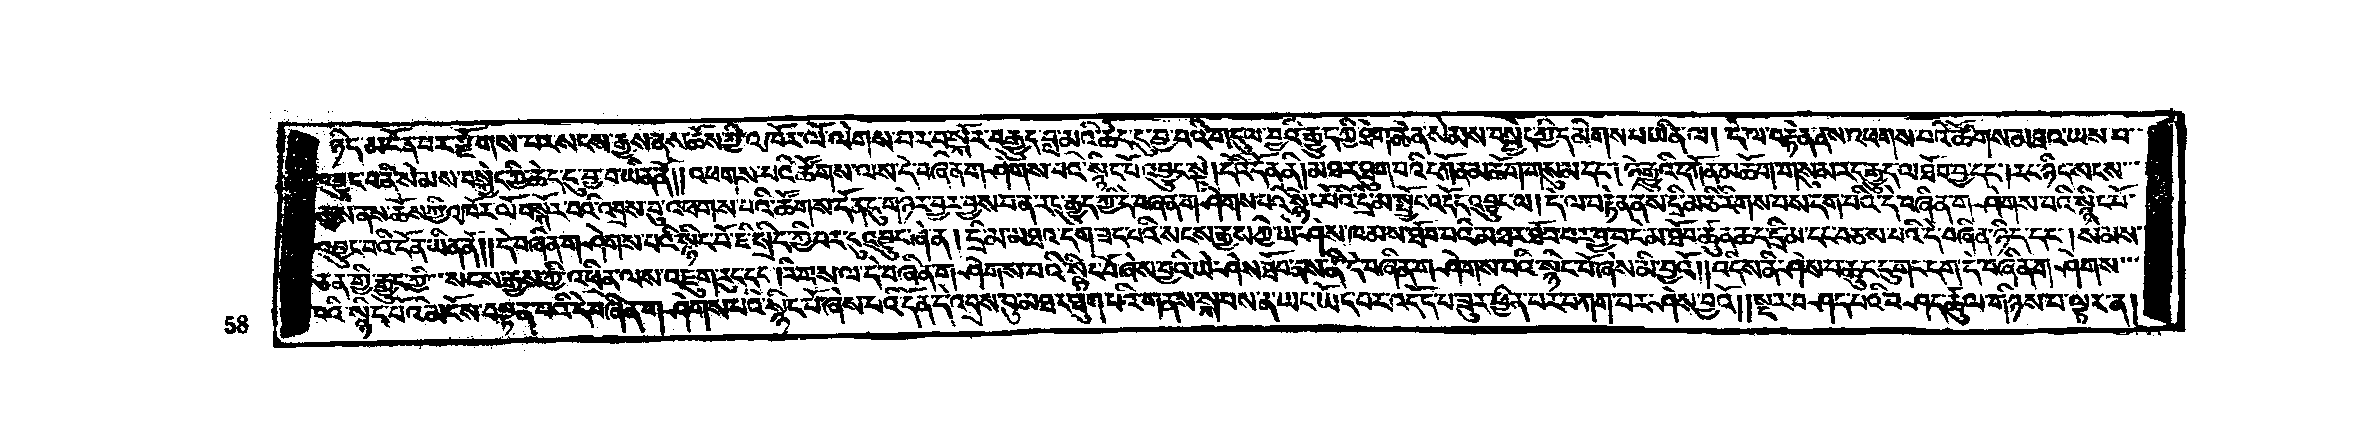ཉིད་མངོན་པར་རྫོགས་པར་སངས་རྒྱས་ནས་ཆོས་ཀྱི་འཁོར་ལོ་ལེགས་པར་བསྐོར་བརྒྱུད་བླ་མའི་ཆེད་དུ་བྱ་བའི་གདུལ་བྱའི་རྒྱུད་ཀྱི་ཐེག་ཆེན་སེམས་བསྐྱེད་ཀྱི་དམིགས་པ་ཡིན་ལ། དེ་ལ་བརྟེན་ནས་འཕགས་པའི་ཚོགས་མཐའ་ཡས་པ་
འབྱུང་བ་ནི་སེམས་བསྐྱེད་ཀྱི་ཆེད་དུ་བྱ་བ་ཡིན་ནོ། །འཕགས་པའི་ཚོགས་ལས་དེ་བཞིན་གཤེགས་པའི་སྙིང་པོ་འབྱུང་སྟེ། དེའི་དོན་ནི། མཐར་ཐུག་པའི་དཀོན་མཆོག་གསུམ་དང་། ཉེ་རྒྱུའི་དཀོན་མཆོག་གསུམ་རང་རྒྱུད་ལ་ཐོབ་བྱ་དང་། རང་ཉིད་སངས་
རྒྱས་ནས་ཆོས་ཀྱི་འཁོར་ལོ་བསྐོར་བའི་འབྲས་བུ་འཕགས་པའི་ཚོགས་དོན་དུ་གཉེར་བྱར་བྱས་པ་ན་རང་རྒྱུད་ཀྱི་དེ་བཞིན་གཤེགས་པའི་སྙིང་པའི་དྲི་མ་སྦྱོང་འདོད་འབྱུང་ལ། དེ་ལ་བརྟེན་ནས་དྲི་མ་ཅི་རིགས་པས་དག་པའི་དེ་བཞིན་གཤེགས་པའི་སྙིང་པོ་
འབྱུང་བའི་དོན་ཡིན་ནོ། །དེ་བཞིན་གཤེགས་པའི་སྙིང་པོ་ཇི་སྲིད་ཀྱི་བར་དུ་འབྱུང་ཞེ་ན། དྲི་མ་མཐའ་དག་ཟད་པའི་སངས་རྒྱས་ཀྱི་ཡེ་ཤེས་ཁམས་ཐོབ་པའི་མཐར་ཐོབ་པར་བྱ་བ་དེ་མ་ཐོབ་ཚུན་ཆད་དྲི་མ་དང་བཅས་པའི་དེ་བཞིན་ཉིད་དང་། སེམས་
ཅན་གྱི་རྒྱུད་ཀྱི་སངས་རྒྱས་ཀྱི་འཕྲིན་ལས་འཇུག་རུང་དང་། རིགས་ལ་དེ་བཞིན་གཤེགས་པའི་སྙིང་པོ་ཞེས་བྱའི་ཡེ་ཤེས་ཐོབ་ནས་ནི་དེ་བཞིན་གཤེགས་པའི་སྙིང་པོ་ཞེས་མི་བྱའོ། །འདིས་ནི་ཤེས་པ་ཆུང་ངུ་གང་དག་དེ་བཞིན་གཤེགས་
པའི་སྙིང་པོའི་མངོས་བསྟན་པའི་དེ་བཞིན་གཤེགས་པའི་སྙིང་པོ་ཞེས་པའི་དོན་དེ་འབྲས་བུ་མཐར་ཐུག་པའི་གནས་སྐབས་ན་ཡང་ཡོད་པར་འདོད་པ་ཟུར་ཕྱིན་པར་བཀག་པར་ཤེས་བྱའོ། །སྔར་བཤད་པའི་བཤད་ཚུལ་གཉིས་པ་ལྟར་ན།